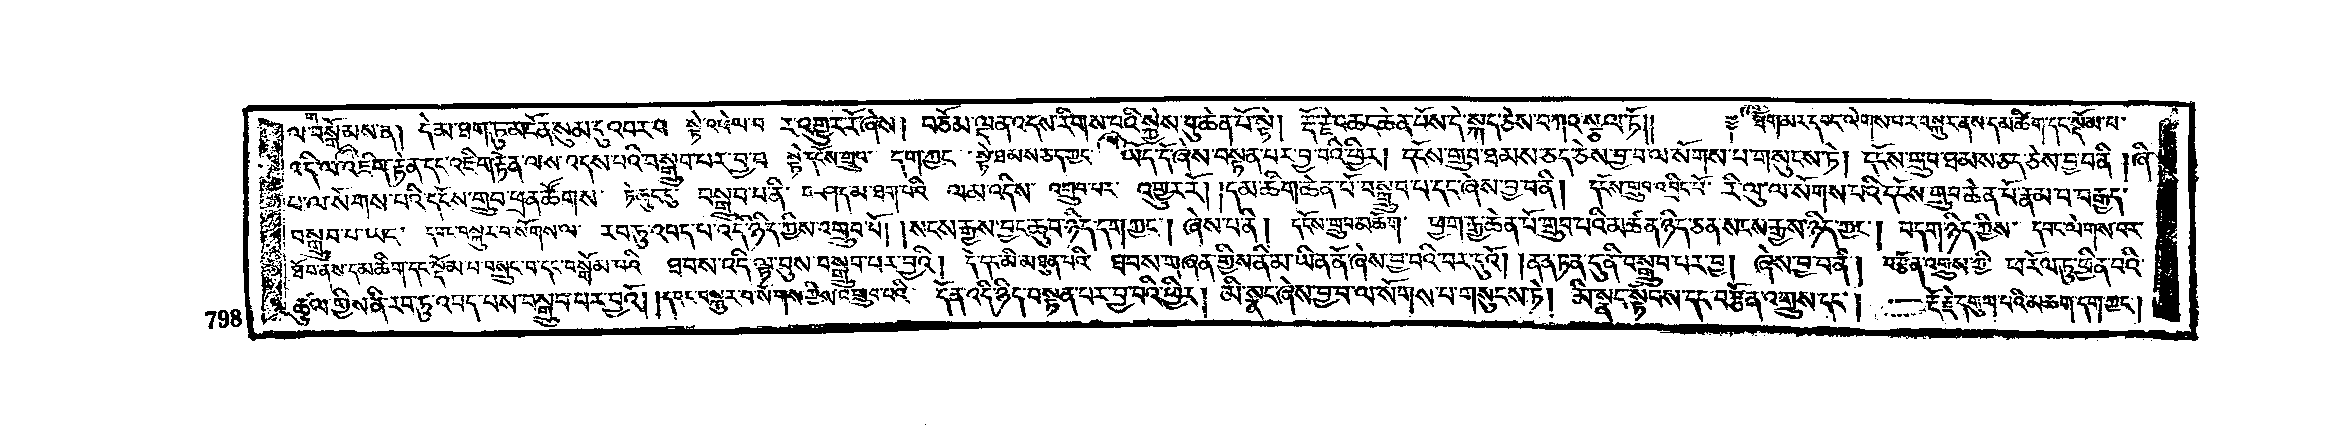ལ་ག་བསྒོམས་ན། དེ་མ་ཐག་ཏུ་མངོན་སུམ་དུ་འབར་བ་སྟེ་འཕེལ་བར་འགྱུར་རོ་ཞེས། བཅོམ་ལྡན་འདས་རིགས་པའི་སྐྱེས་བུ་ཆེན་པོ་སྟེ། རྡོ་རྗེ་འཆང་ཆེན་པོས་དེ་སྐད་ཅེས་བཀའ་སྩལ་ཏོ།། ༈ ?ཁ྄་ཐོག་མར་དབང་ལེགས་པར་བསྐུར་ནས་དམ་ཚིག་དང་སྡོག་པ
འདི་ལ་?ག྄་འཇིག་རྟེན་དང་འཇིག་རྟེན་ལས་འདས་པའི་བསྒྲུབ་པར་བྱ་བ་སྟེ་དངོས་གྲུབ་དག་ཀྱང་སྟེ་ཐམས་ཅད་ཀྱང་?ག྄་ཡོད་དོ་ཞེས་བསྟན་པར་བྱ་བའི་ཕྱིར། དངོས་གྲུབ་ཐམས་ཅད་ཅེས་བྱ་བ་ལ་སོགས་པ་གསུངས་ཏེ། དངོས་གྲུབ་ཐམས་ཅད་ཅེས་བྱ་བ་ནི། ཞི་
པ་ལ་སོགས་པའི་དངོས་གྲུབ་ཕྲན་ཚོགས་ཏེ་ཆུང་ངུ་བསྒྲུབ་པ་ནི་བཤད་མ་ཐག་པའི་ལམ་འདིས་འགྲུབ་པར་འགྱུར་རོ། །དམ་ཚིག་ཆེན་པོ་བསྒྲུབ་པ་དང་ཞེས་བྱ་བ་ནི། དངོས་གྲུབ་འབྲིང་པོ་རི་ལུ་ལ་སོགས་པའི་དངོས་གྲུབ་ཆེན་པོ་རྣམ་པ་བརྒྱད་
བསྒྲུབ་པ་ཡང་དབང་བསྐུར་བ་སོགས་ལ་རབ་ཏུ་འབད་པ་འདི་ཉིད་ཀྱིས་འགྲུབ་པོ། །སངས་རྒྱས་བྱང་ཆུབ་ཉིད་དག་ཀྱང་། ཞེས་པ་ནི། དངོས་གྲུབ་མཆོག་ཕྱག་རྒྱ་ཆེན་པོ་གྲུབ་པའི་མཚན་ཉིད་ཅན་སངས་རྒྱས་ཉིད་ཀྱང་། བདག་ཉིད་ཀྱིས་དབང་ལེགས་པར་
ཐོབ་ནས་དམ་ཚིག་དང་སྡོམ་པ་བསྲུང་བ་དང་བསྒོམ་པའི་ཐབས་འདི་ལྟ་བུས་བསྒྲུབ་པར་བྱའི། དེ་དང་མི་མཐུན་པའི་ཐབས་གཞན་གྱིས་ནི་མ་ཡིན་ནོ་ཞེས་བྱ་བའི་བར་དུའོ། །ནན་ཏན་དུ་ནི་བསྒྲུབ་པར་བྱ། ཞེས་བྱ་བ་ནི། བརྩོན་འགྲུས་ཀྱི་ཕ་རོལ་ཏུ་ཕྱིན་པའི་
ཚུལ་གྱིས་ནི་རབ་ཏུ་འབད་པས་བསྒྲུབ་པར་བྱའོ། ། དབང་བསྐུར་བ་སོགས་ཀྱིས་འགྲུབ་པའི་དོན་འདི་ཉིད་བསྟན་པར་བྱ་བའི་ཕྱིར། མི་སྣང་ཞེས་བྱ་བ་ལ་སོགས་པ་གསུངས་ཏེ། མི་སྣང་སྟོབས་དང་བརྩོན་འགྲུས་དང་། H.་རྡོ་རྗེ་དགུག་པའི་མཆག་དག་ཀྱང་།